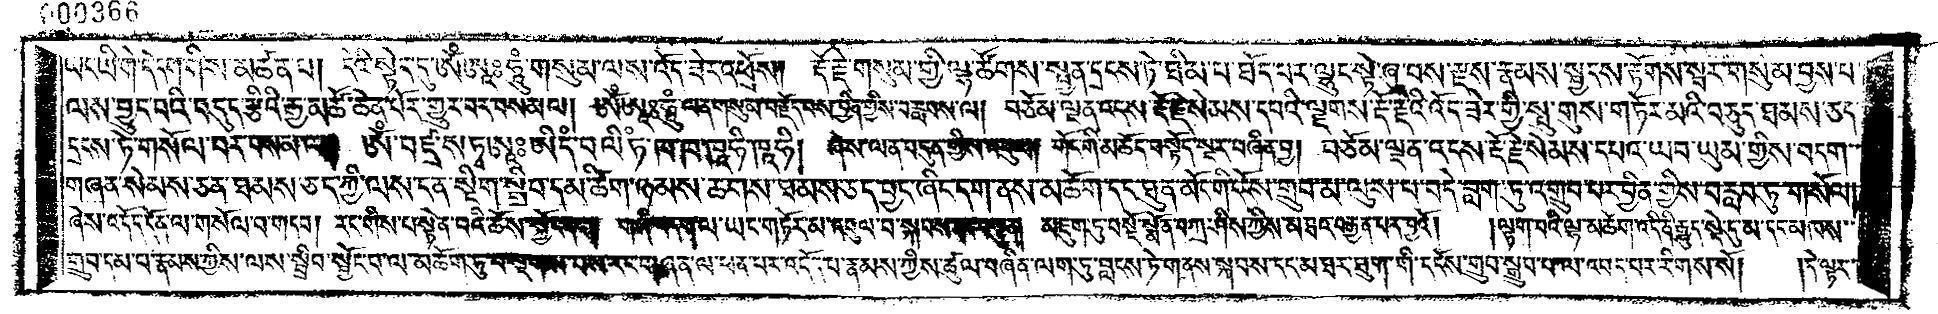ཡང་ཡི་གེ་དེ་དག་གིས་མཚན་པ། དེའི་སྟེང་དུ་ཨོཾ་ཨཱཿ ཧཱུཾ་གསུམ་ལས་འོད་ཟེར་འཕྲོས། རྡོ་རྗེ་གསུམ་གྱི་ལྷ་ཚོགས་སྤྱན་དྲངས་ཏེ་ཐིམ་པ་ཐོད་པར་ལྷུང་སྟེ་ཞུ་བས་རྫས་རྣམས་སྦྱངས་རྟོགས་སྦར་གསུམ་བྱས་པ་
ལས་བྱུང་བའི་བདུད་རྩིའི་རྒྱ་མཚོ་ཆེན་པོར་གྱུར་བར་བསམ་ལ།  ཨོཾ་ཨཱཿ ཧཱུཾ་ལན་གསུམ་བརྗོད་པས་བྱིན་གྱིས་བརླབས་ལ།  བཅོམ་ལྡན་འདས་རྡོ་རྗེ་སེམས་དཔའི་ལྗགས་རྡོ་རྗེའི་འོད་ཟེར་གྱི་སྤུ་གུས་གཏོར་མའི་བཅུད་ཐམས་ཅད་
དྲངས་ཏེ་གསོལ་བར་བསམ་ལ། ཨོཾ་བཛྲ་སཏྭ་ཨཱཿ ཨི་དཾ་བ་ལི་ཏཾ་ཁ་ཁ་ཁཱ་ཧི་ཁཱཧི། ཞེས་ལན་བདུན་གྱིས་འབུལ། གོང་གི་མཆོད་བསྟོད་སྔར་བཞིན་བྱ།  བཅོམ་ལྡན་འདས་རྡོ་རྗེ་སེམས་དཔའ་ཡབ་ཡུམ་གྱིས་བདག་
གཞན་སེམས་ཅན་ཐམས་ཅད་ཀྱི་ལས་ངན་སྡིག་སྒྲིབ་དམ་ཚིག་ཉམས་ཆགས་ཐམས་ཅད་བྱང་ཞིང་དག་ནས་མཆོག་དང་ཐུན་མོང་གི་དངོས་གྲུབ་མ་ལུས་པ་བདེ་བླག་ཏུ་འགྲུབ་པར་བྱིན་གྱིས་བརླབ་ཏུ་གསོལ།
ཞེས་འདོད་དོན་ལ་གསོལ་བ་གདབ། རང་གིས་བསྟེན་པའི་ཆོས་སྐྱོང་དང་། གཞི་བདག་ལ་ཡང་གཏོར་མ་འབུལ་བ་སྐབས་དང་བསྟུན། མཇུག་ཏུ་བསྔོ་སྨོན་བཀྲ་ཤིས་ཀྱིས་མཐའ་བརྒྱན་པར་བྱའོ། །ལྟག་པའི་ལྷ་མཆོག་འདི་ནི་རྒྱུད་སྡེ་དུ་མ་དང་མཁས་
གྲུབ་དམ་པ་རྣམས་ཀྱིས་ལས་སྦྲིབ་སྦྱོང་བ་ལ་མཆོག་ཏུ་བསྔགས་པས་རང་གཞན་ལ་ཕན་པར་འདོད་པ་རྣམས་ཀྱིས་ཚུལ་བཞིན་ལག་ཏུ་བླངས་ཏེ་གནས་སྐབས་དང་མཐར་ཐུག་གི་དངོས་གྲུབ་སྒྲུབ་པ་ལ་འབད་པར་རིགས་སོ། །དེ་ལྟར་